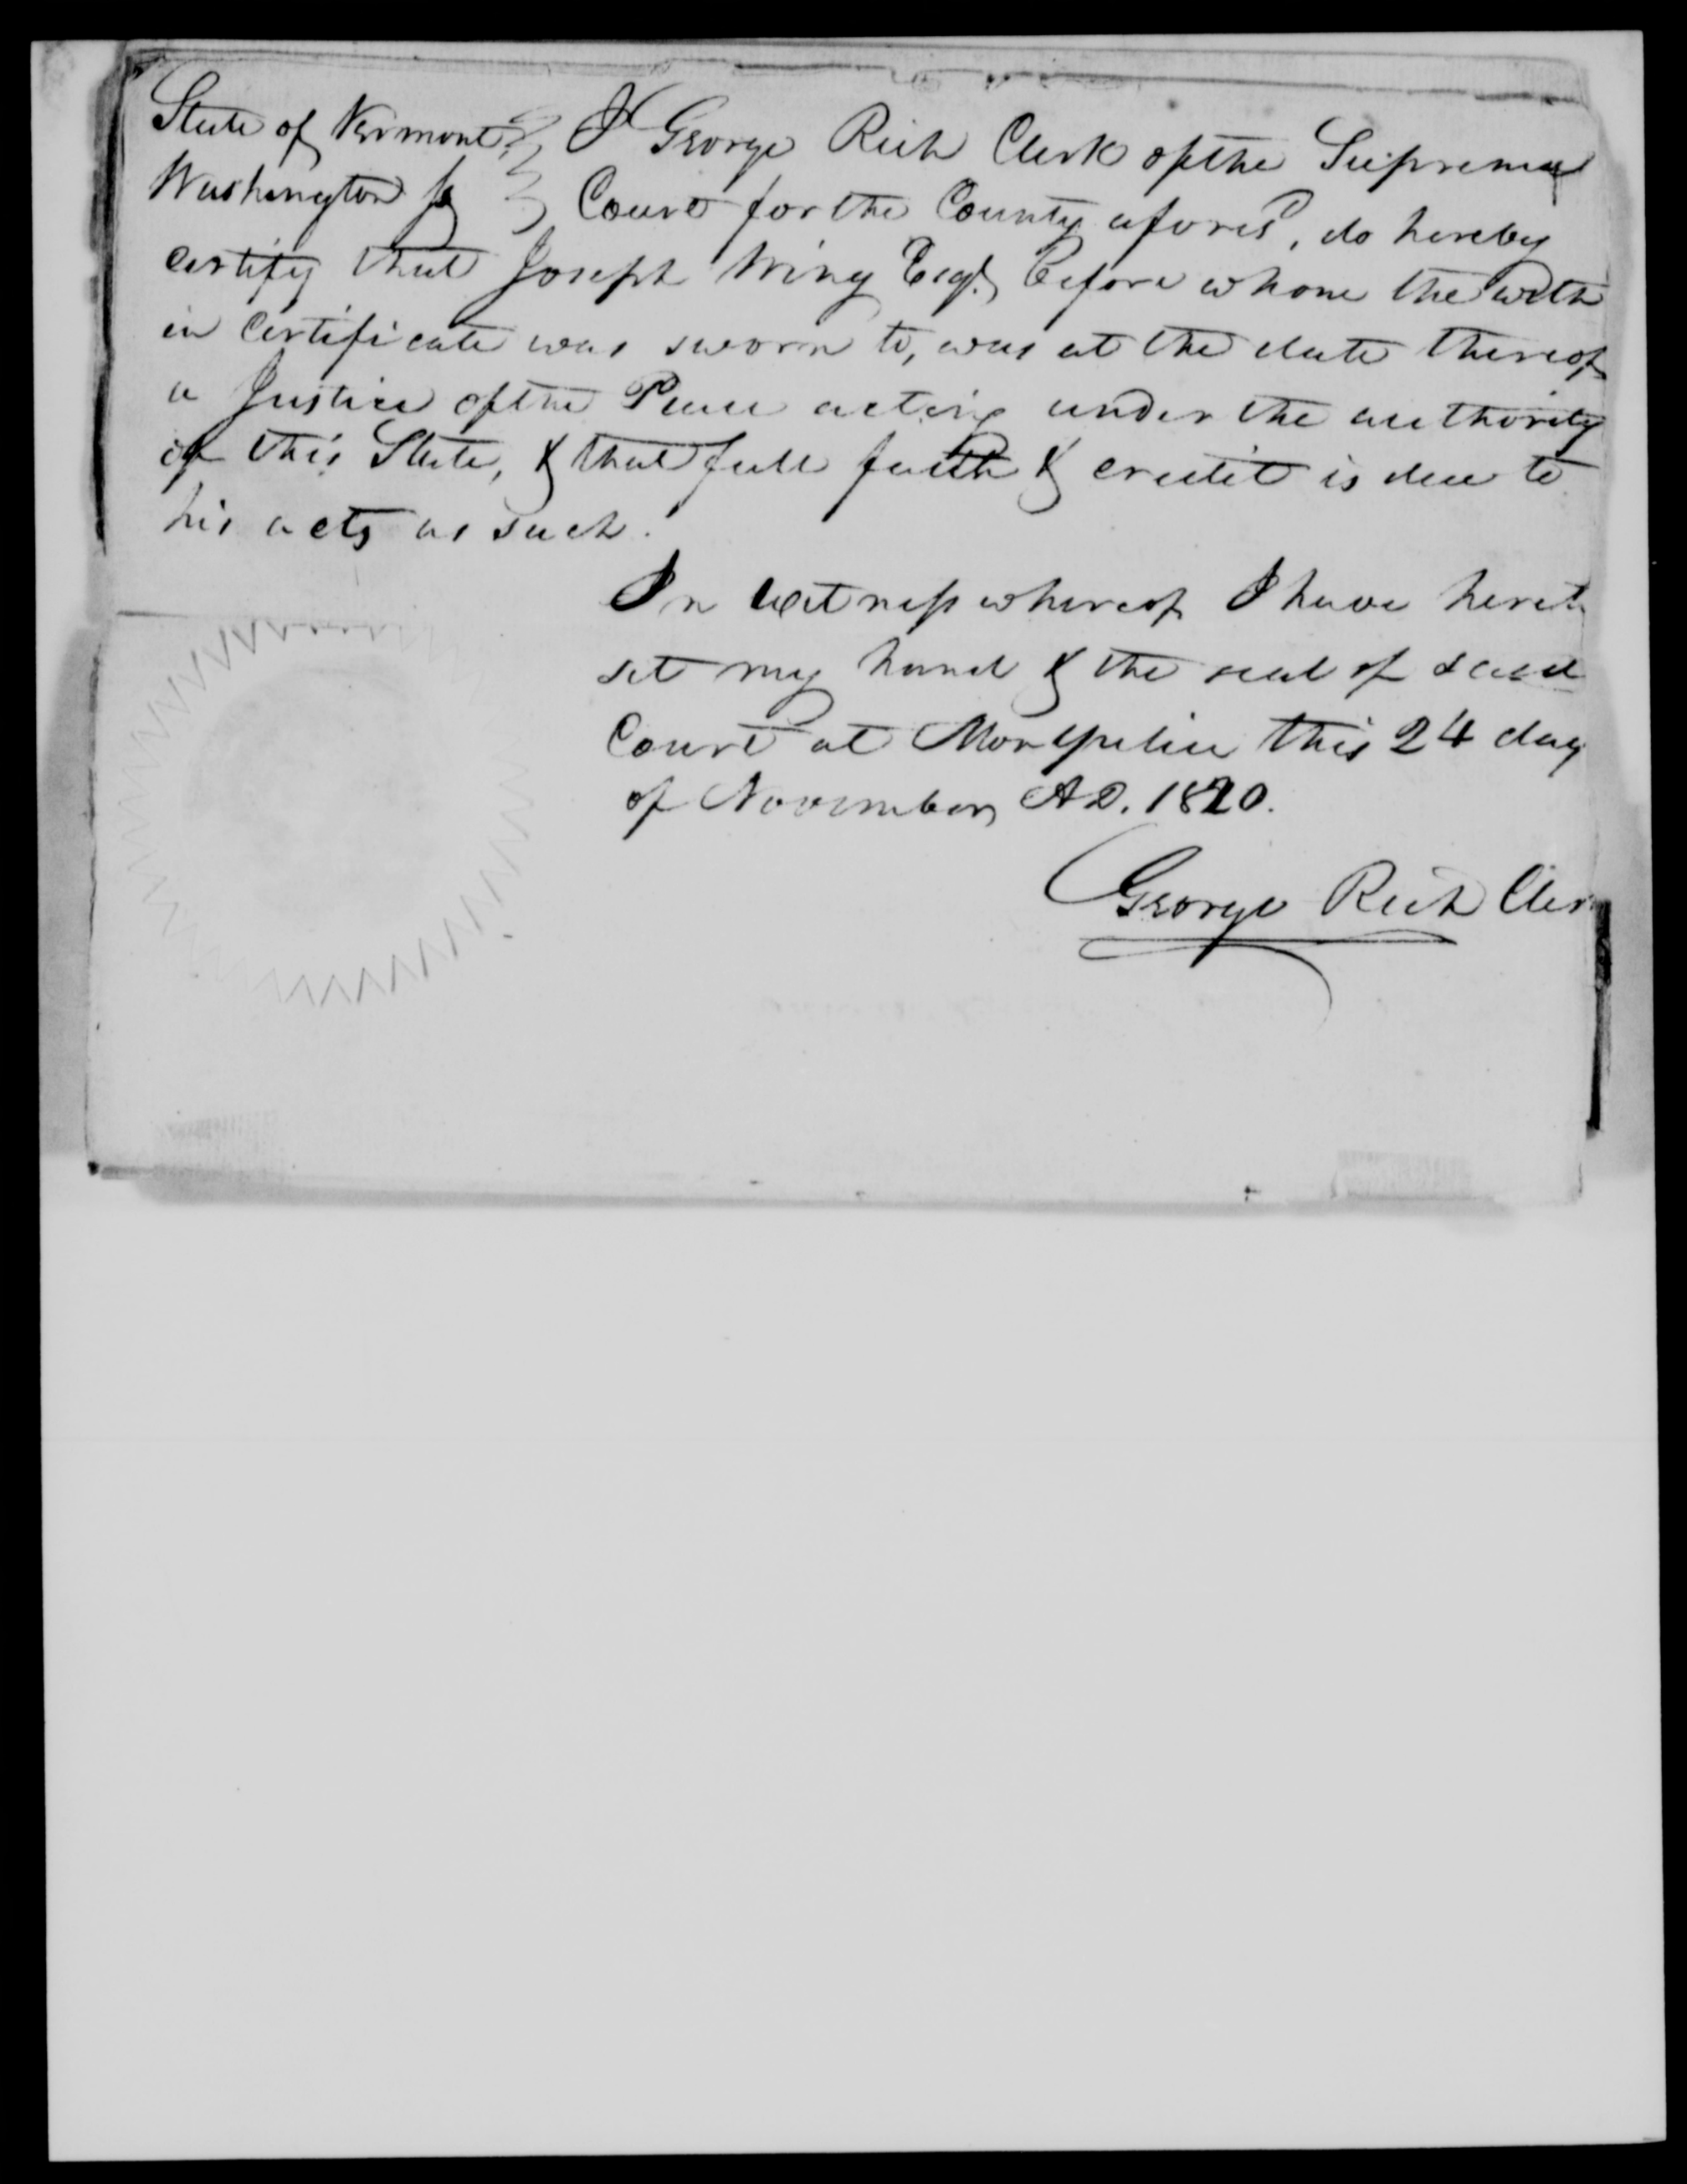State of Vermont
Washington Ss
I George Rich Clerk of the Supreme Court for the County aforesaid do hereby certify that Joseph Wing Esqr. before whom the withing certificate was sworn to, was at the date thereof a Justice of the Peace acting under the authority of this State & that full faith & credit is due to his acts has such.
In Witness whereof I have hereunto set my hand & the seal of said Court at Montpelier this 24 day of November A.D. 1820
George Rich clerk
(seal)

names: George Rich, Joseph Wing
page: 73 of 79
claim: survivor's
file: S. 11759, Samuel White, Mass.